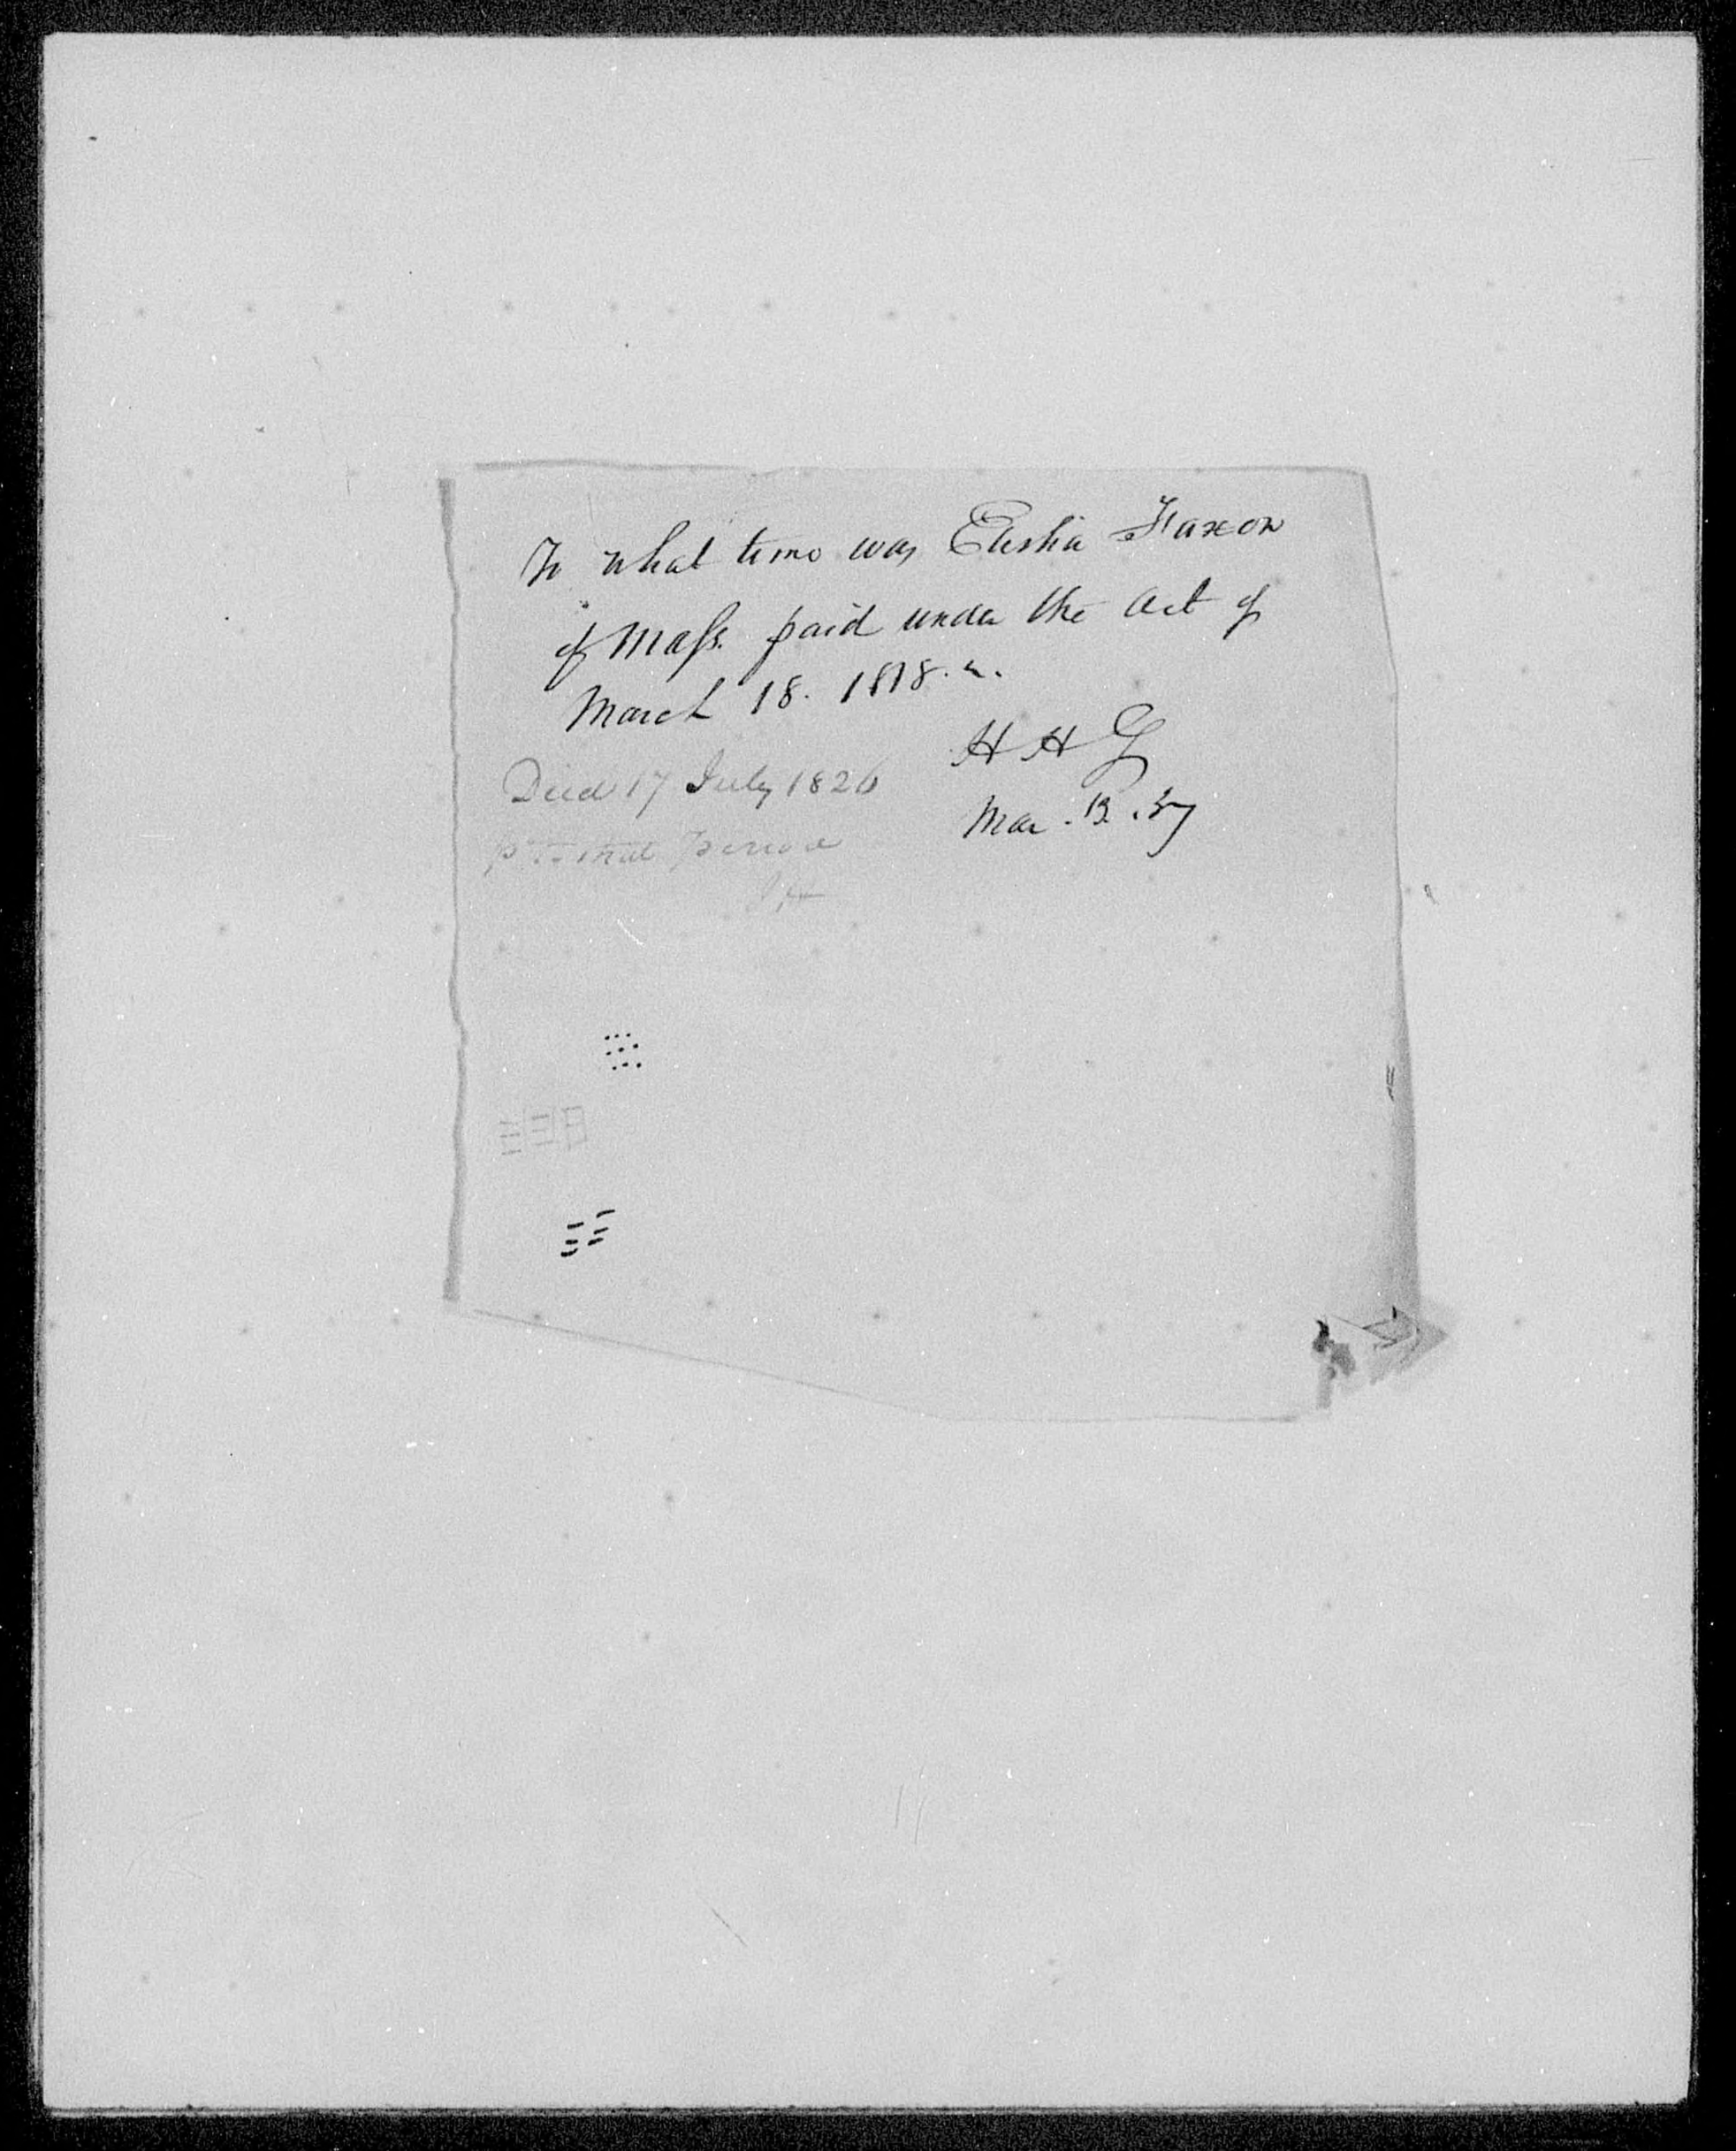In what time was Elisha Faxon of Mass. paid under the Act of March 18, 1818 AD
HHG
Mar. 12

Died 17 July 1826
(illegible) period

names: Elisha Faxon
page: 12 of 47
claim: widow's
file: W. 14703, Elisha Faxon, Mass